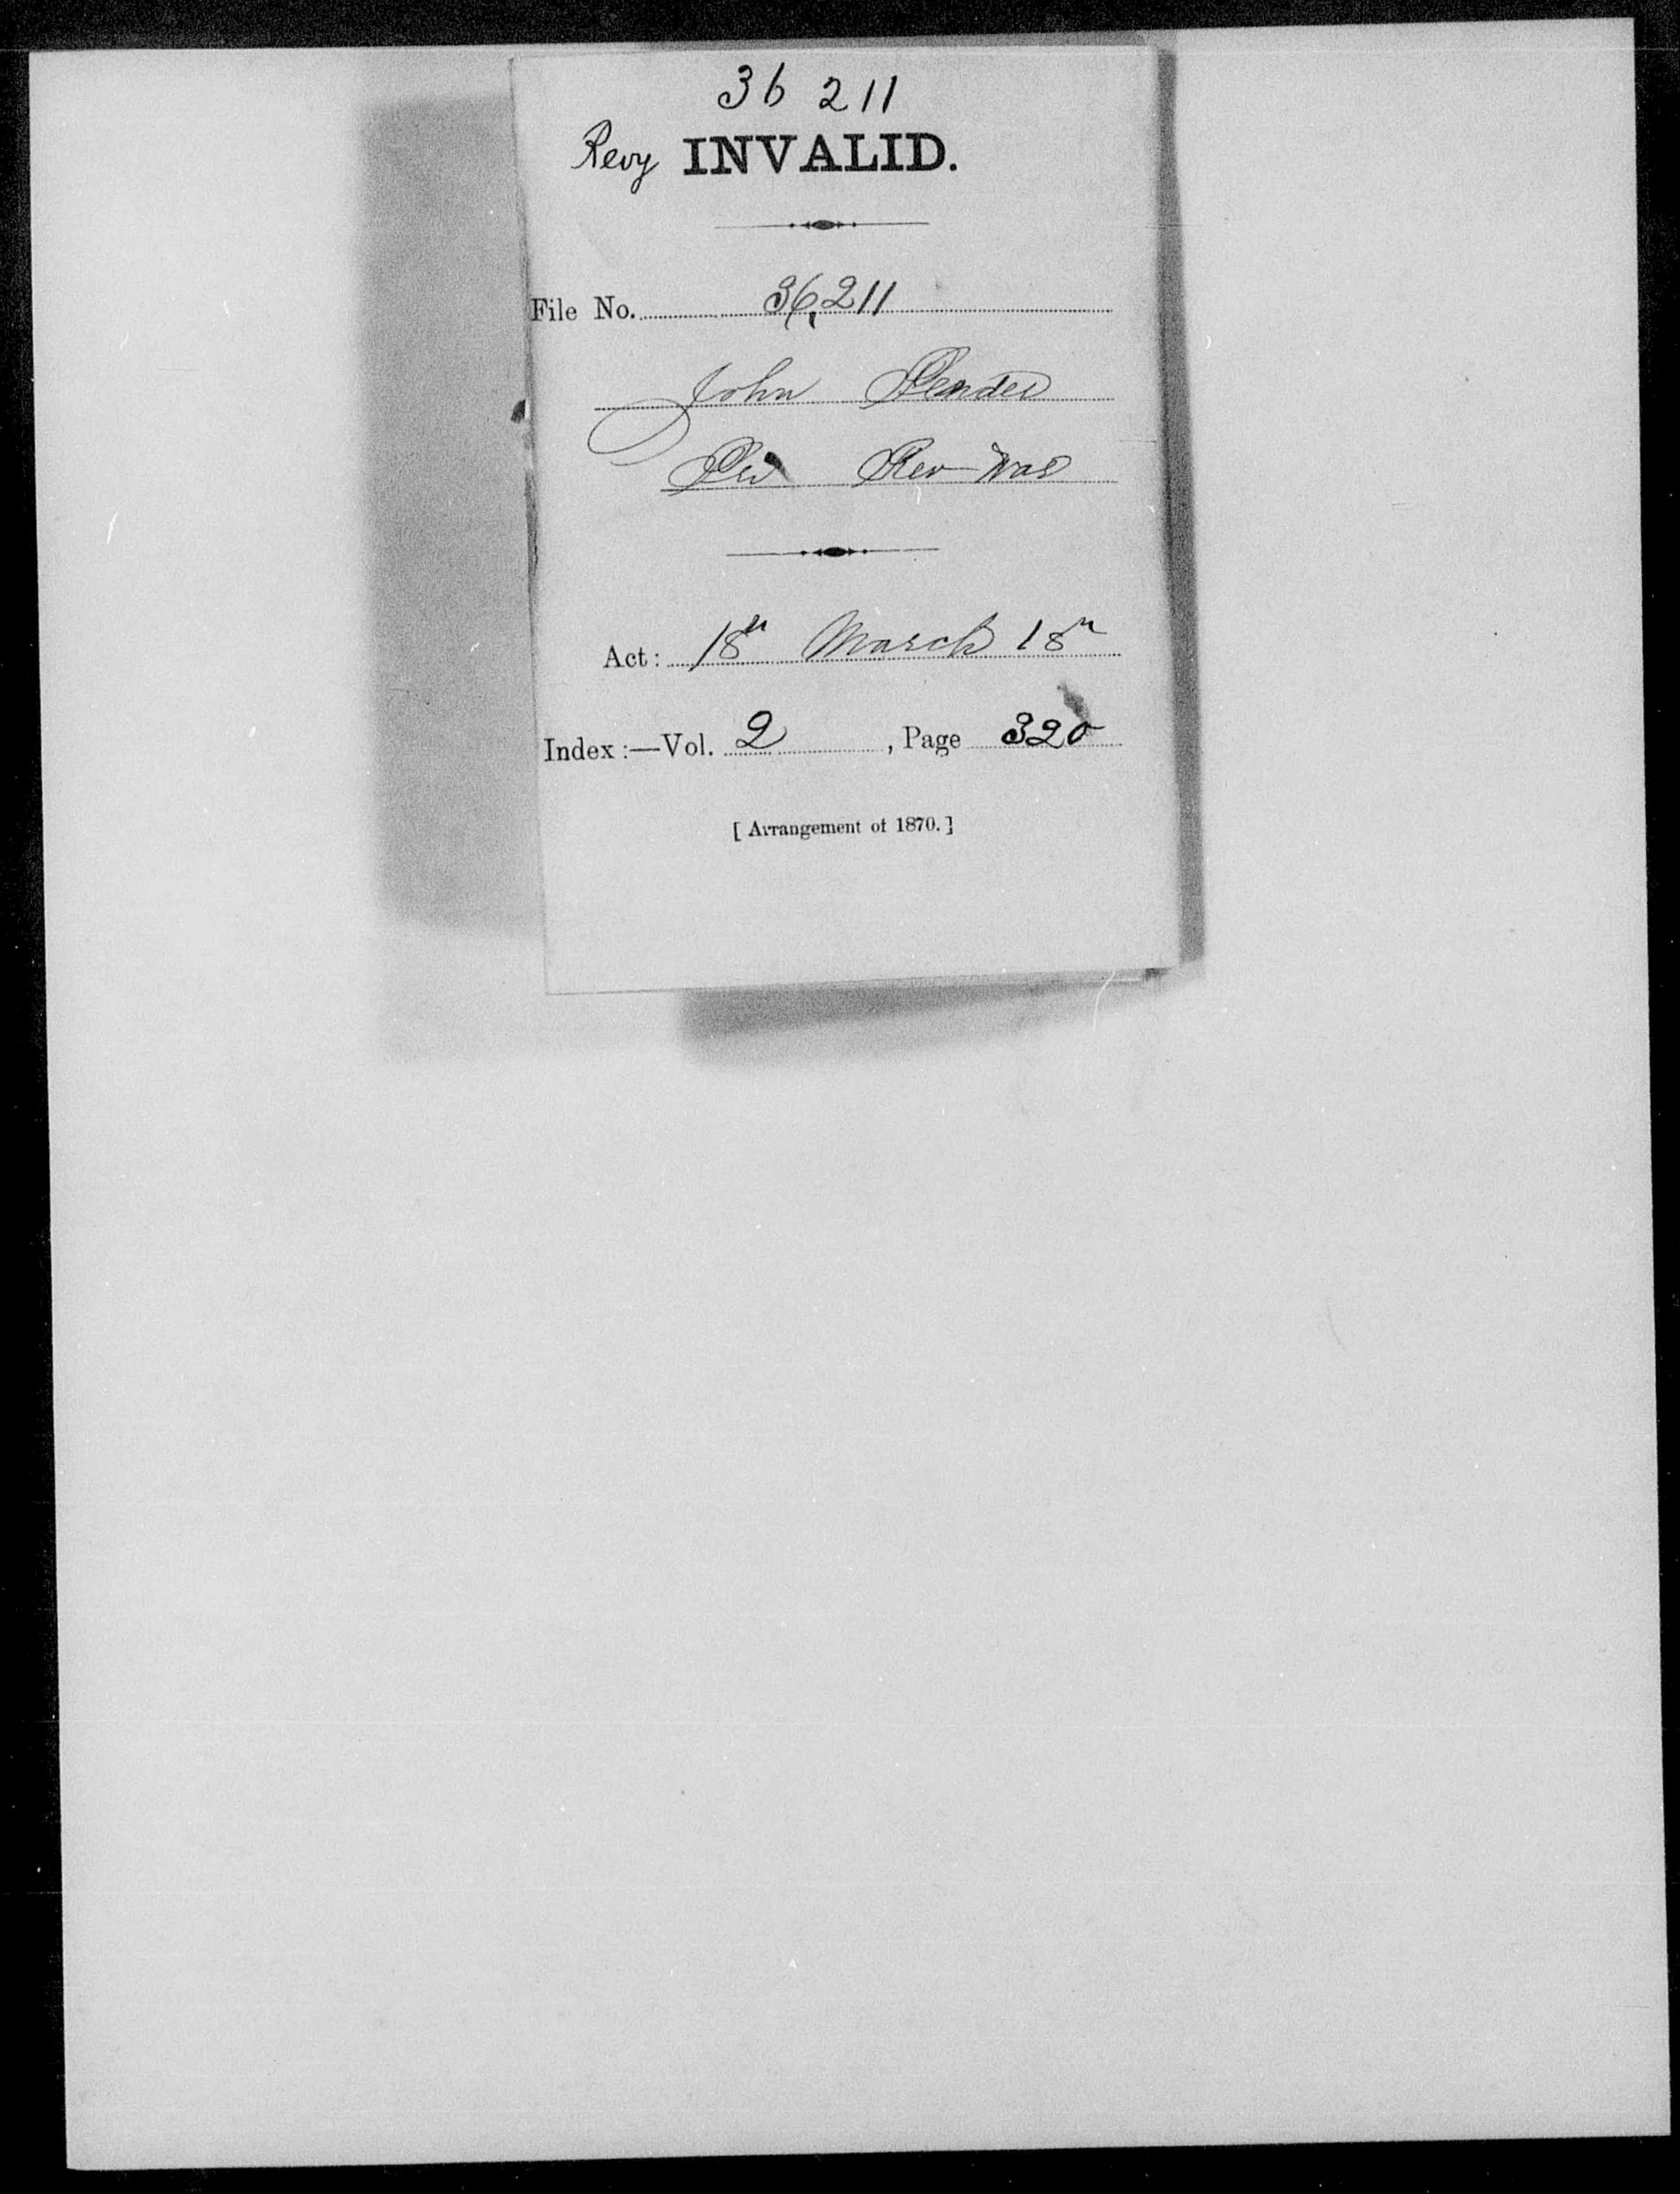36211
INVALID.
Revy
File No. 36,211
John Pender
Priv Rev. War 

Act:  18 March 18
Index:--Vol. 2, Page 320

[in brackets] Arrangement of 1870.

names: John Pender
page: 9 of 13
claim: survivor's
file: S. 36211, for John Pender, New Hampshire